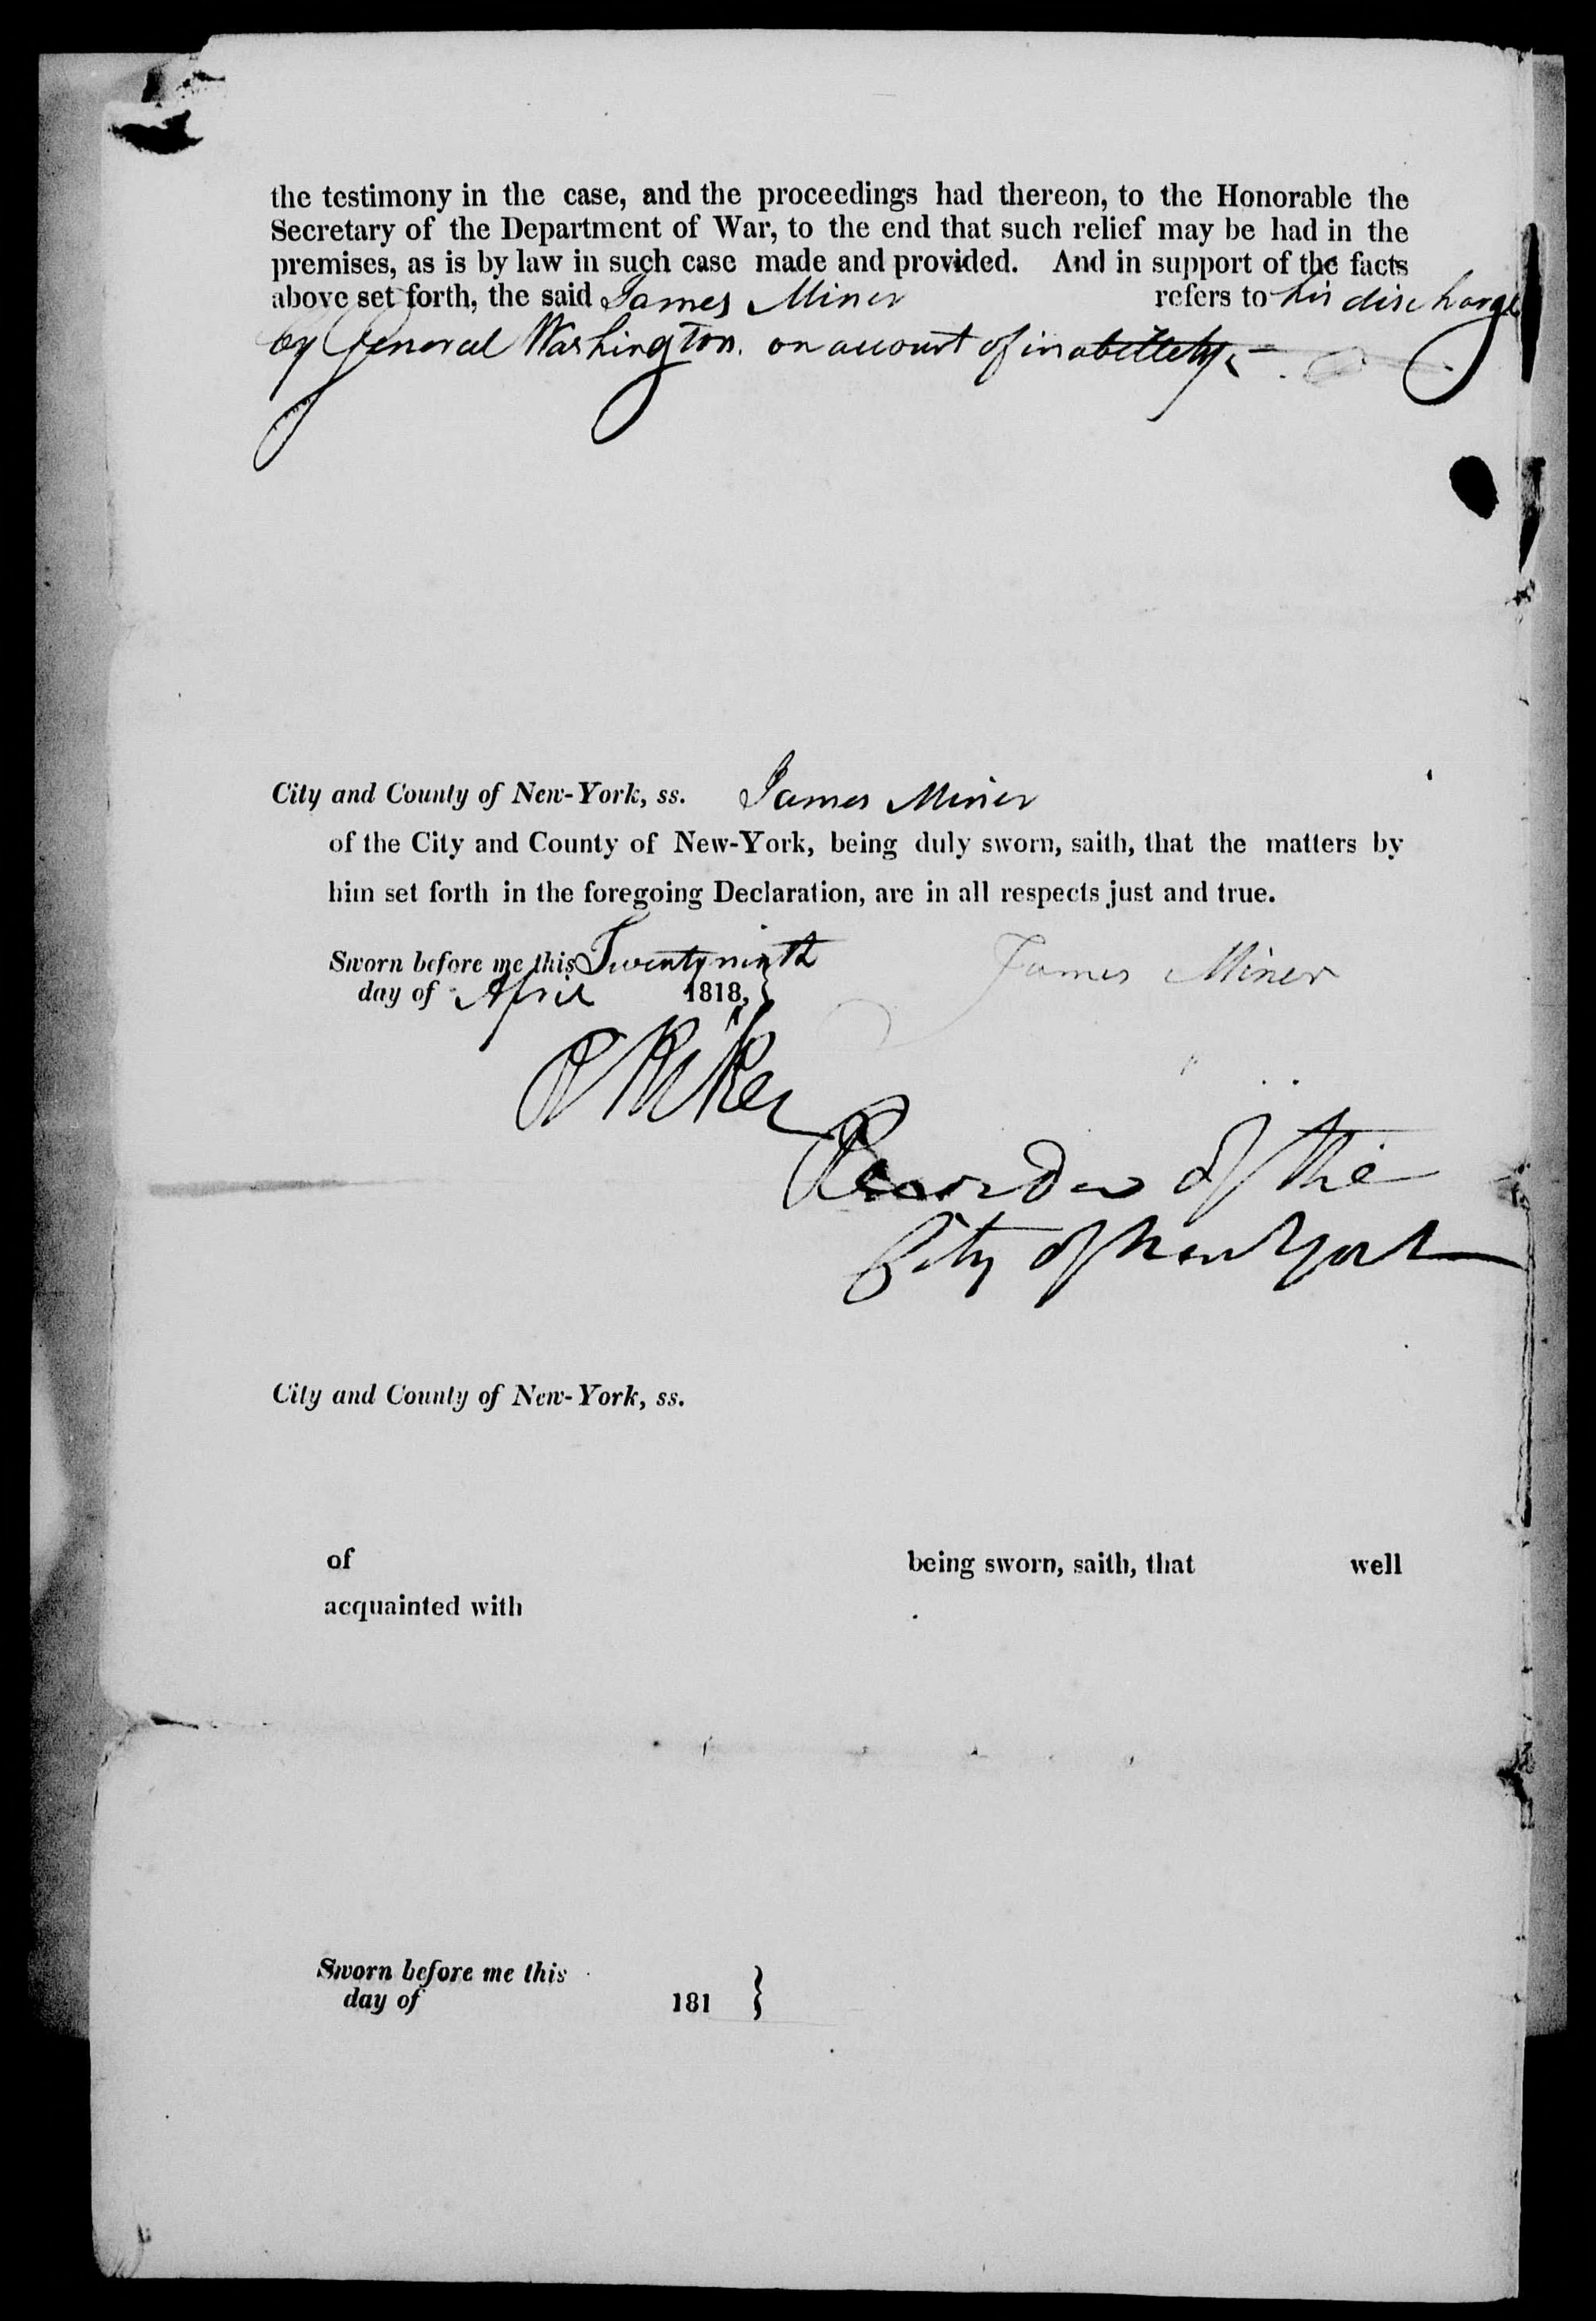the testimony in the case, and the proceedings had thereon, to the Honorable the Secretary of the Department of War, to the end that such relief may be had in the premises, as is by law in such case made and provided. And in support of the facts above set forth, the said [handwritten James Miner] refers to [handwritten his discharge by General Washington on account of inability.] 

City and County of New-York ss. [handwritten James Miner] of the City and County of New-York, being duly sworn, saith, that the matters by him set forth in the foregoing Declaration, are in all respects just and true. 
[handwritten James Miner]

Sworn before me this [handwritten Twenty ninth] day of [handwritten April ]1818 

[handwritten signature R Riker]
[handwritten Recorder of the 
City of New York] 

City and County of New-York, ss. 

of [blank space] being sworn, saith, that [blank space] well acquainted with [blank space]

Sworn before me this day of [blank space] 181[blank space]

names: R Riker; James Miner; [BLANK] Washington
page: 13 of 39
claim: survivor's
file: S. 23802, for James Miner, Connecticut